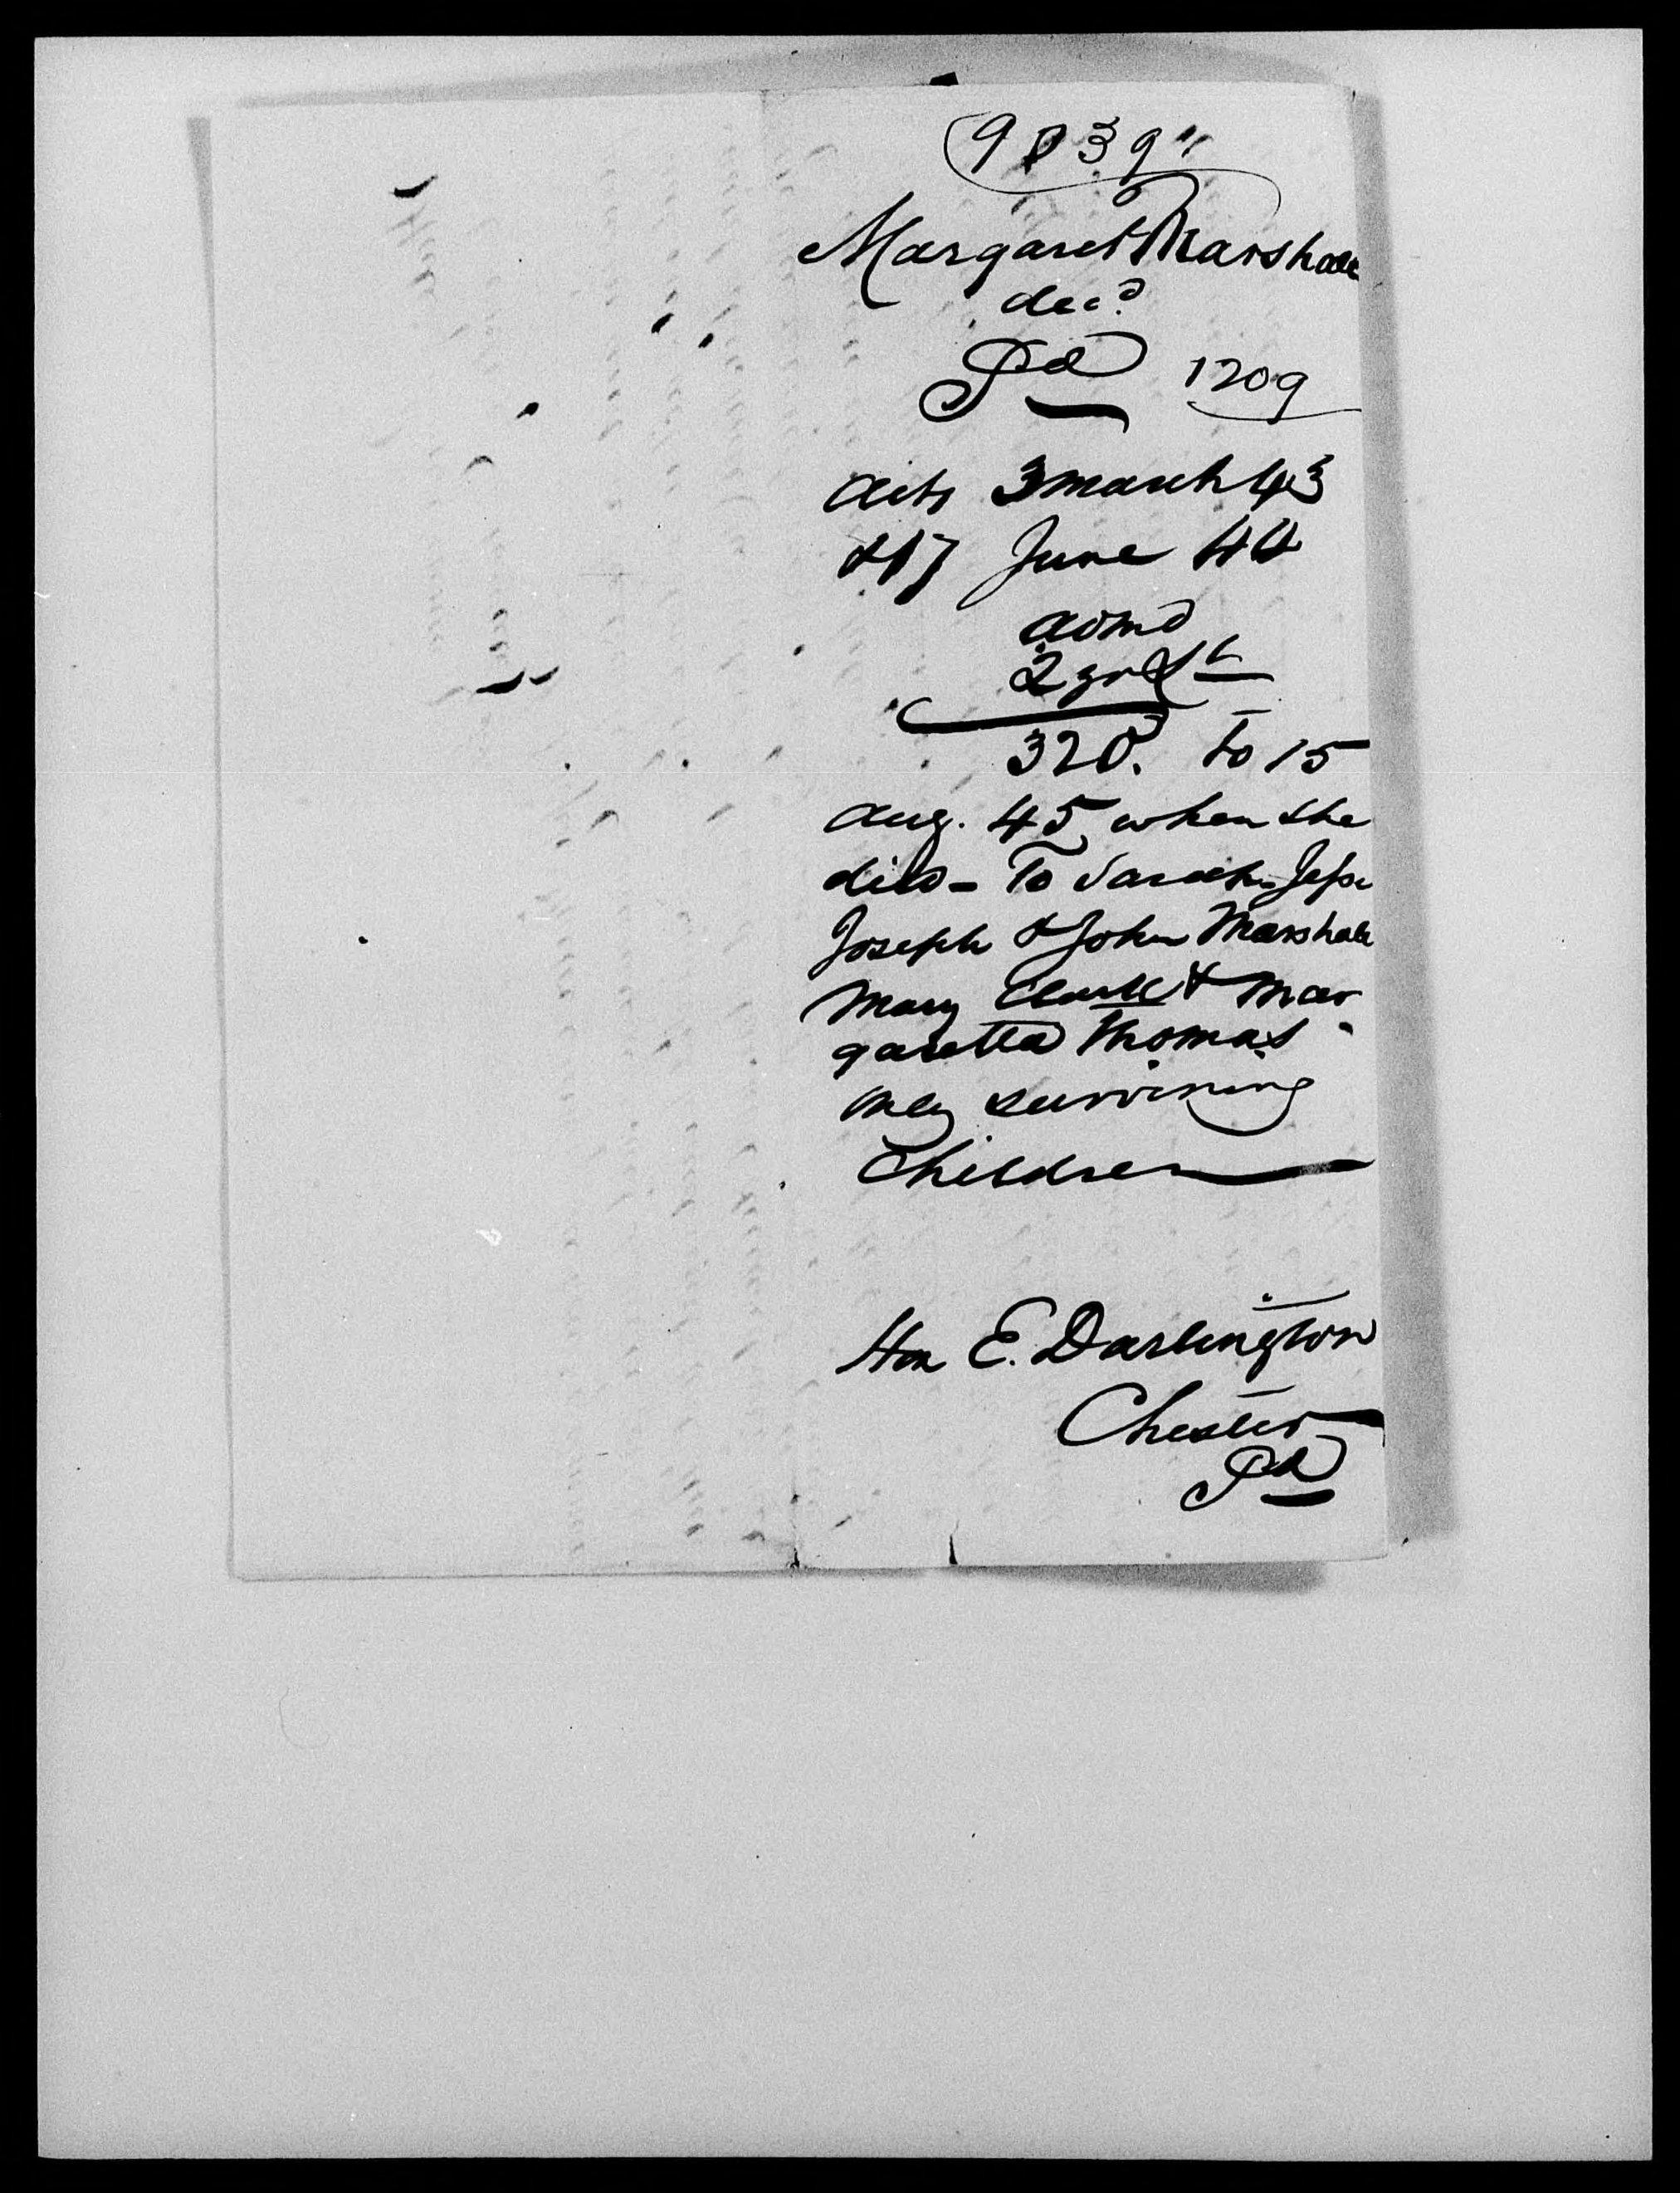9039

Margaret Marshall
decd
[illegible] 1209
[illegible] 3 March 43
& 17 June 44
Admd
2 [illegible]
320 to 15
Aug. 45 when she
did -  to Sarah Jalou
Joseph John Marshall
Mary Clark & MargaretteThomas
only surviving
children

Hon E. Darlington
Chester
JD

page: 7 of 86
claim: widow's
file: W. 3571, for David Marshall, Pennsylvania